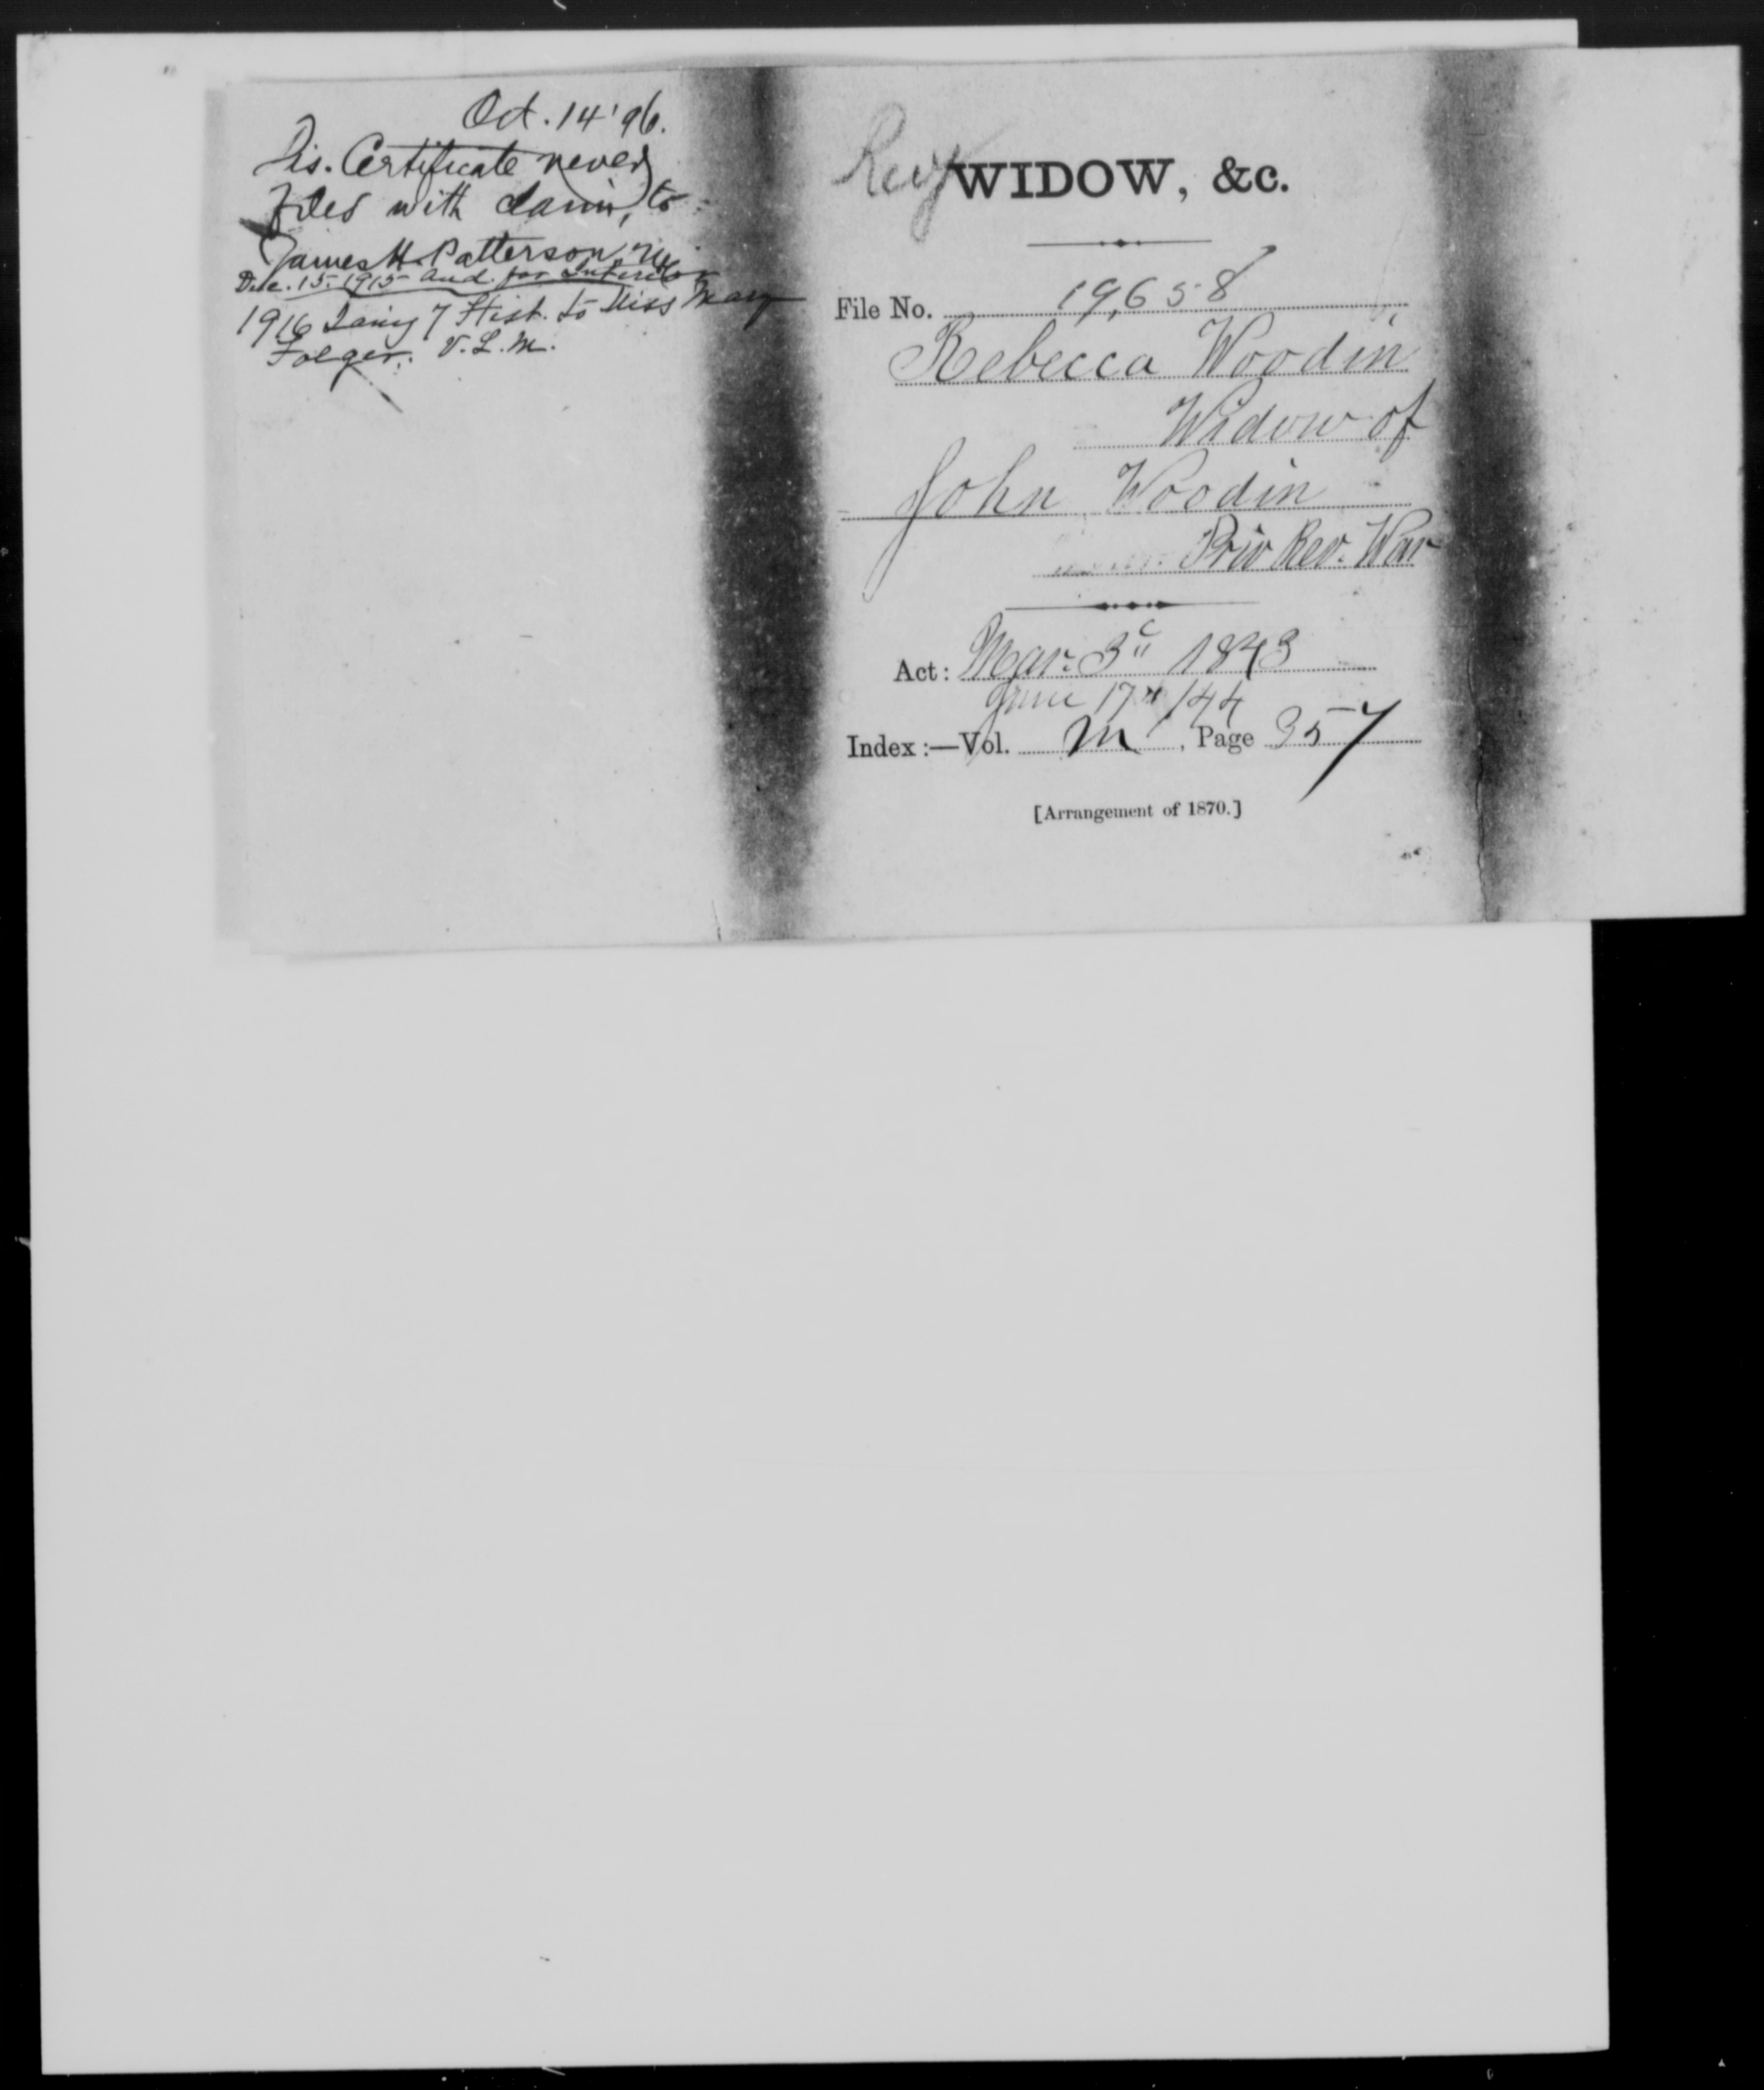Oct. 14 ’96. Dis, Certificate never filed with claim, to James M. Patterson NY Dec. 15, 1915 and for Interest
1916 Jan’y 7 Hist. to Miss Mary Folger V. L.M. 

Revy WIDOW, &c. 
File No. 19,658 
Rebecca Woodin 
Widow of 
John Woodin 
Priv Rev War
Act: Mar. 3d 1843 
June 17th 144
Index:-- Vol. M Page 357 
[Arrangement of 1870.]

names: James H Patterson, Mary Folger, Rebecca Woodin, John Woodin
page: 51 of 77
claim: widow's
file: W. 19658, John Woodin, New York